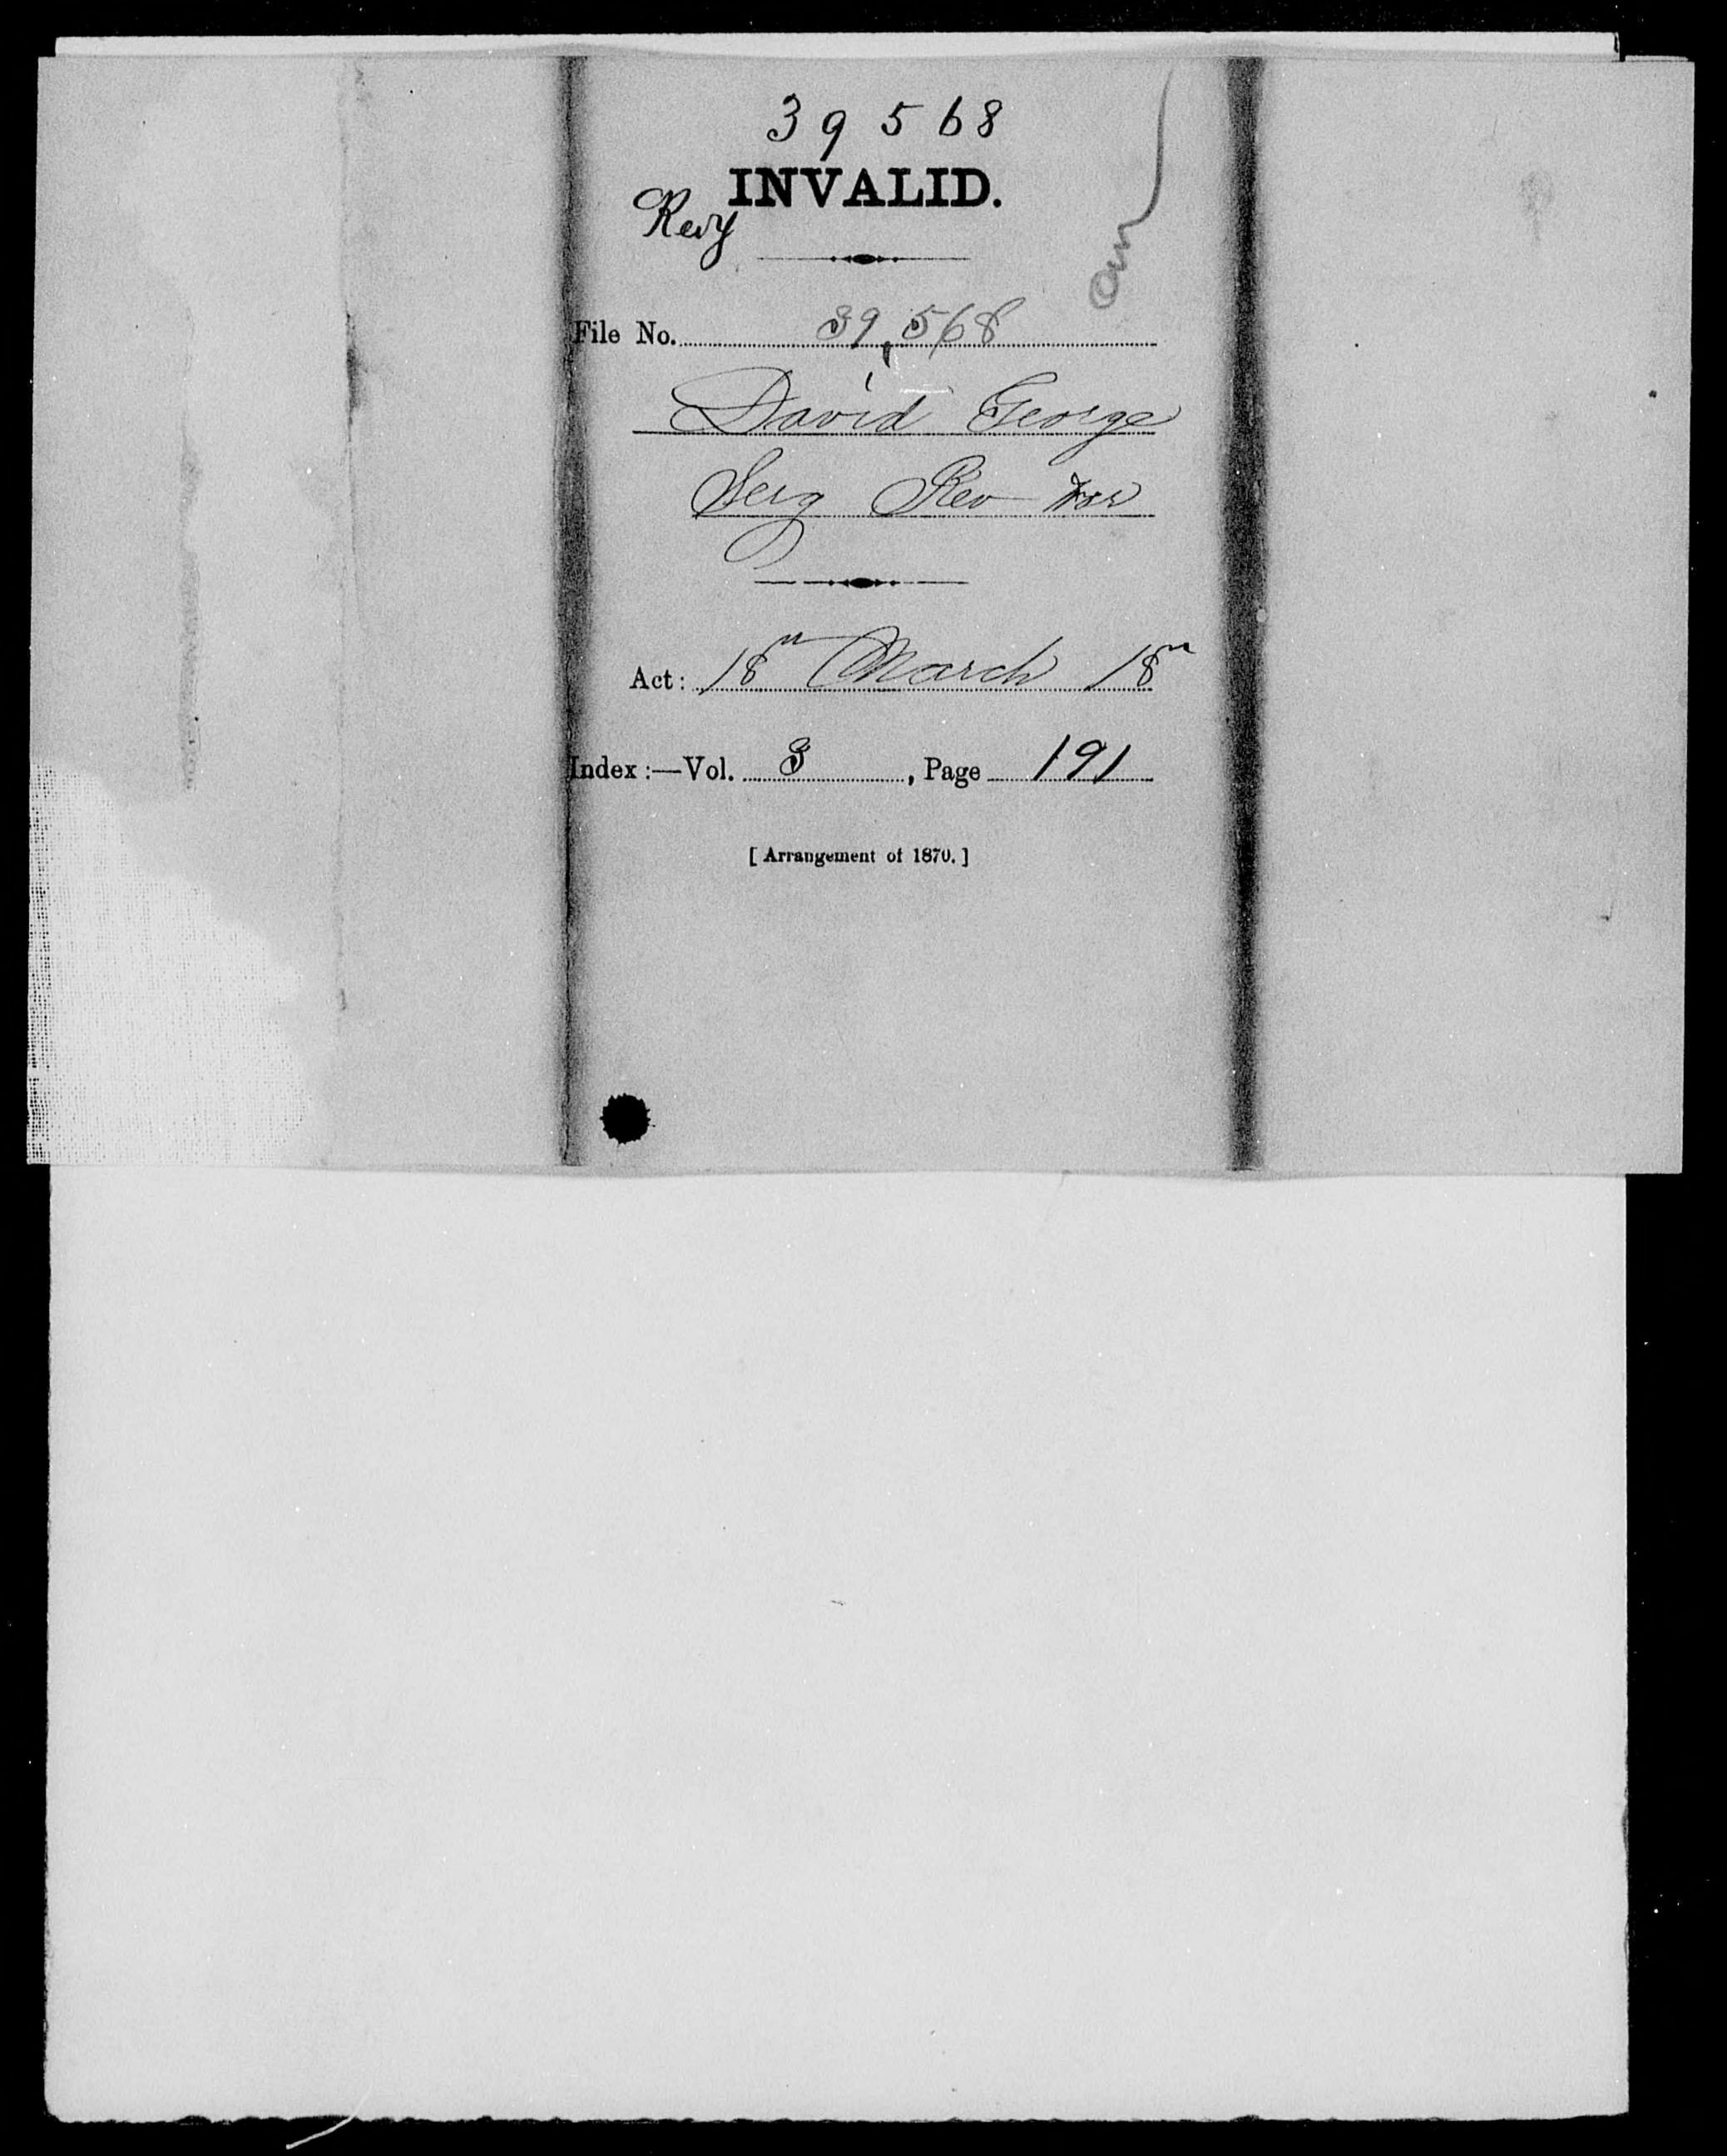39568
INVALID
Rev y
File NO 39568

David George 
Serg(eant) Rev(olutionary) War

Act 18 March 18
Index: Vol 3, Page 191
[arrangement of 1870]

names: David George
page: 14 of 18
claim: survivor's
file: S. 39568, David George, N.H.